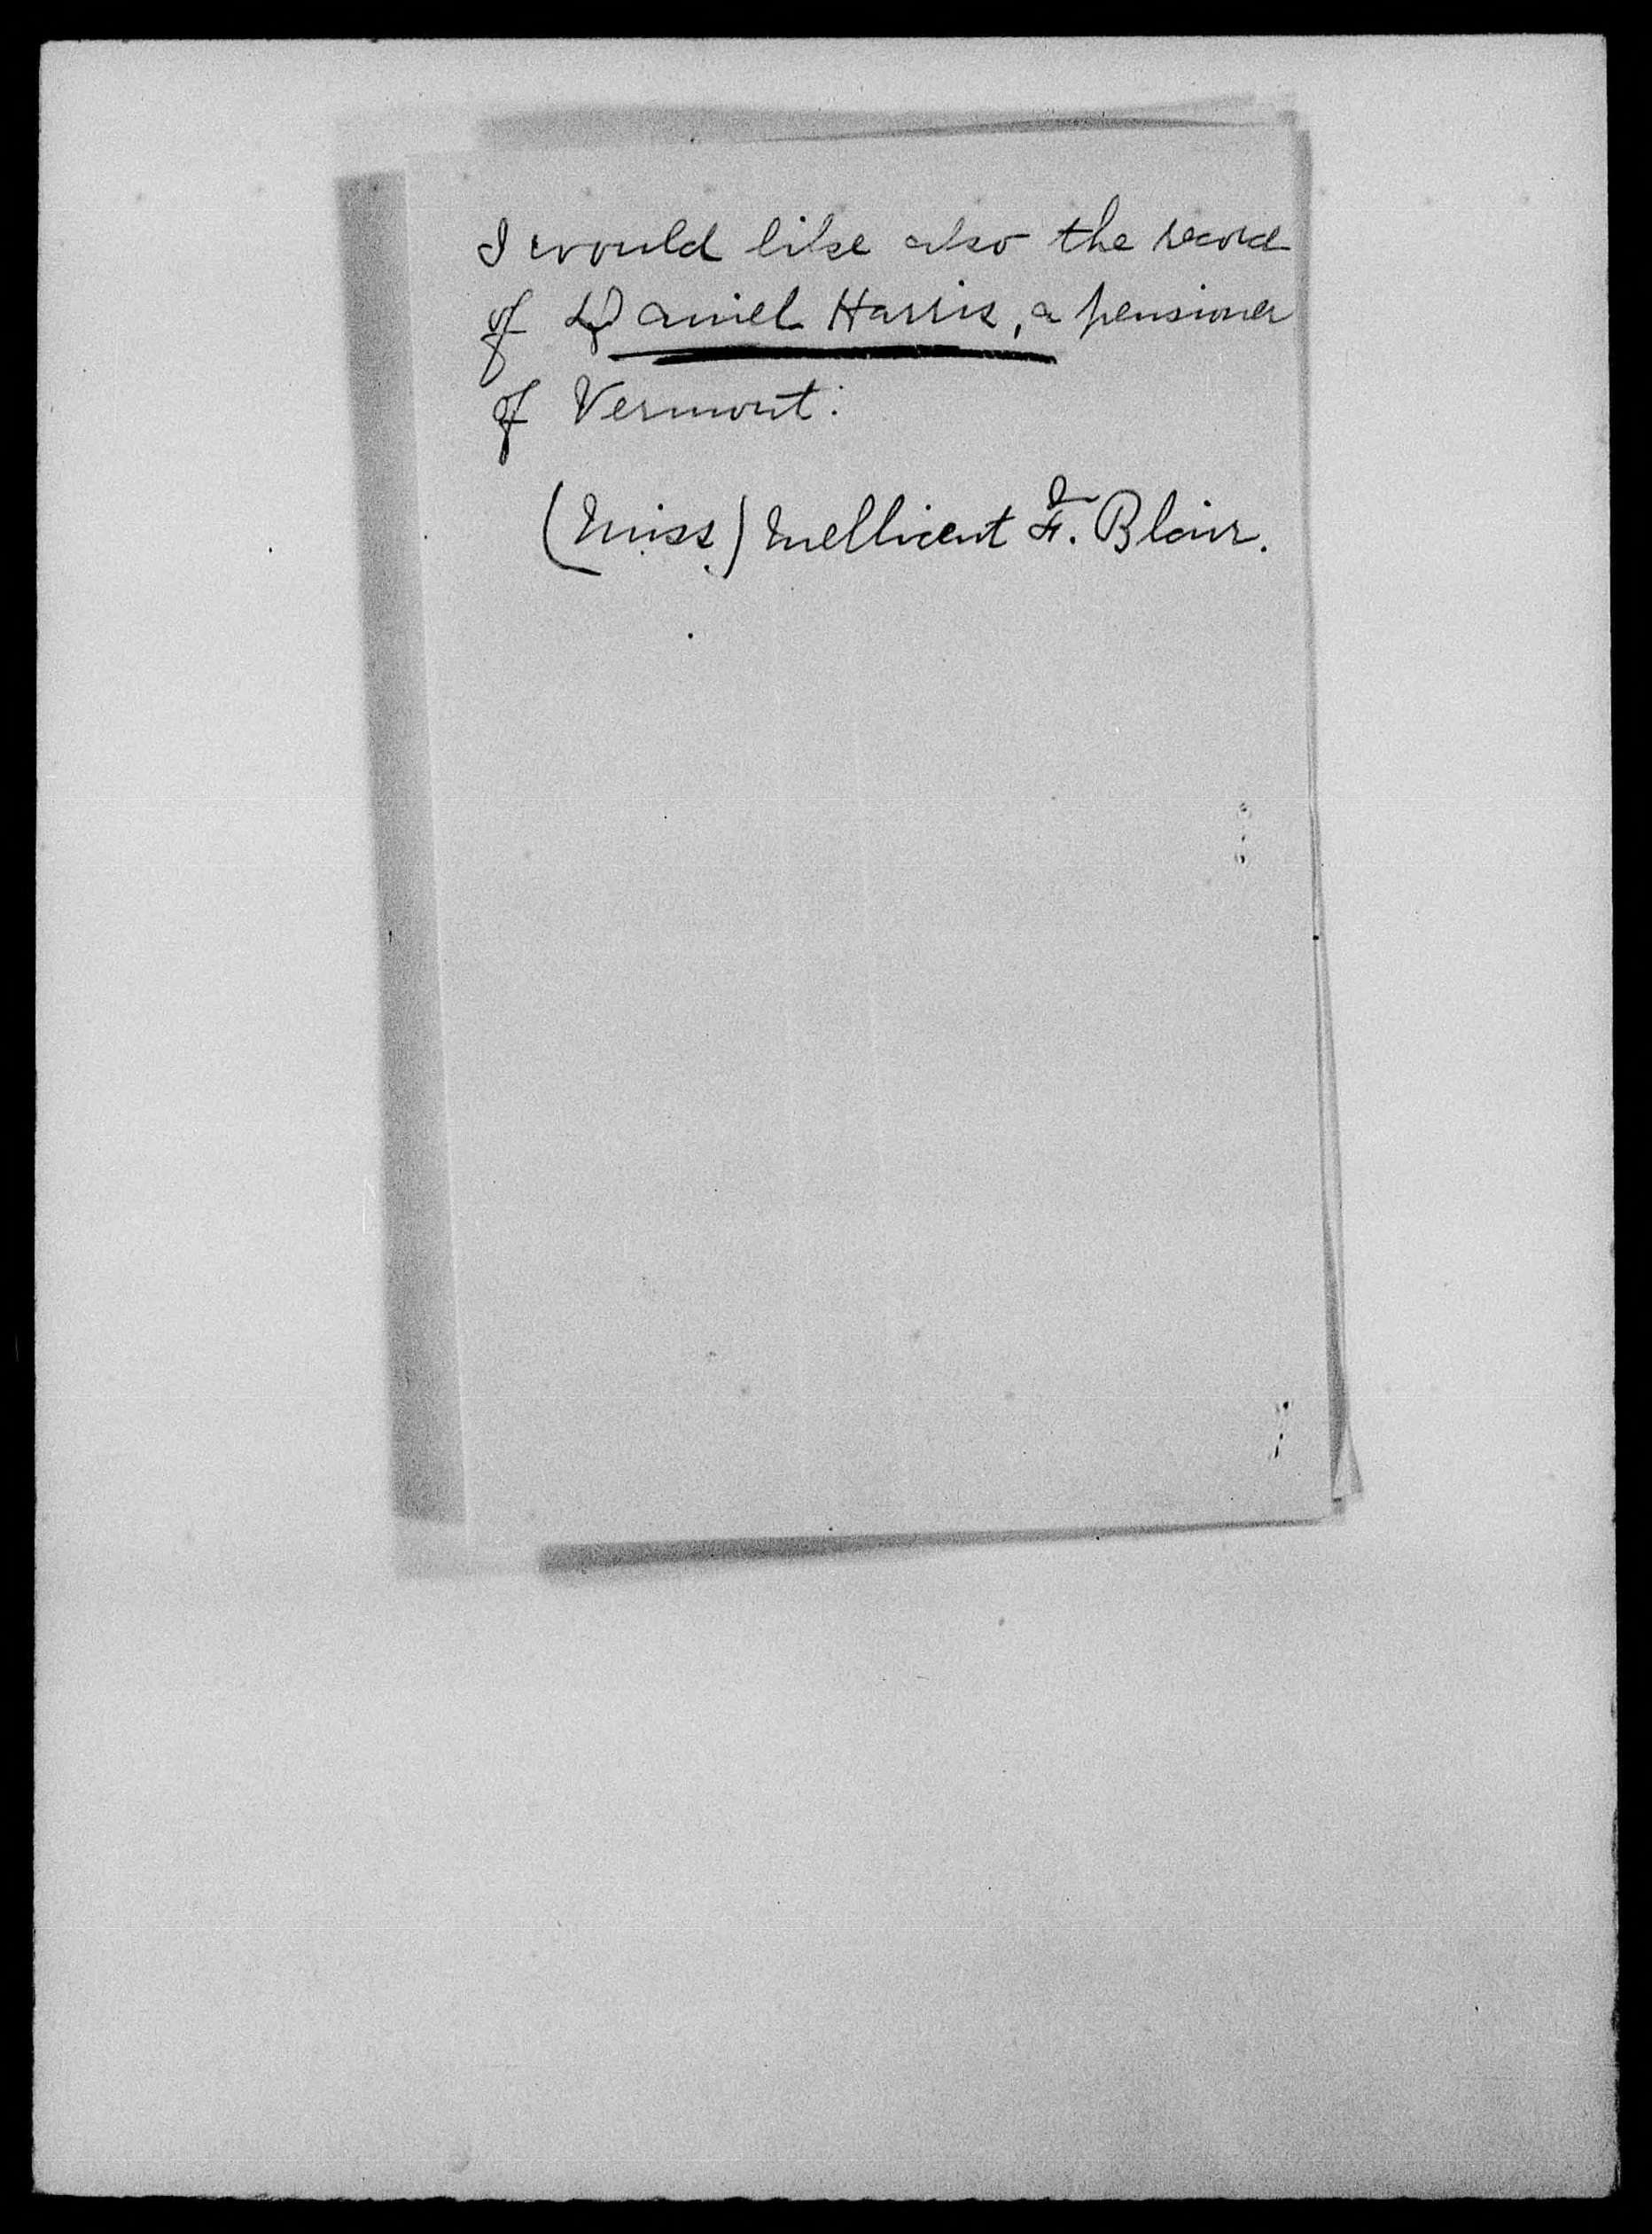I would like also the record of Daniel Harris, a pensioner of Vermont. 

(Miss)
(?) F. Blair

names: Mellicent F Blair, Daniel Harris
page: 45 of 68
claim: survivor's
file: S. 29,877, Daniel Harris, Mass.